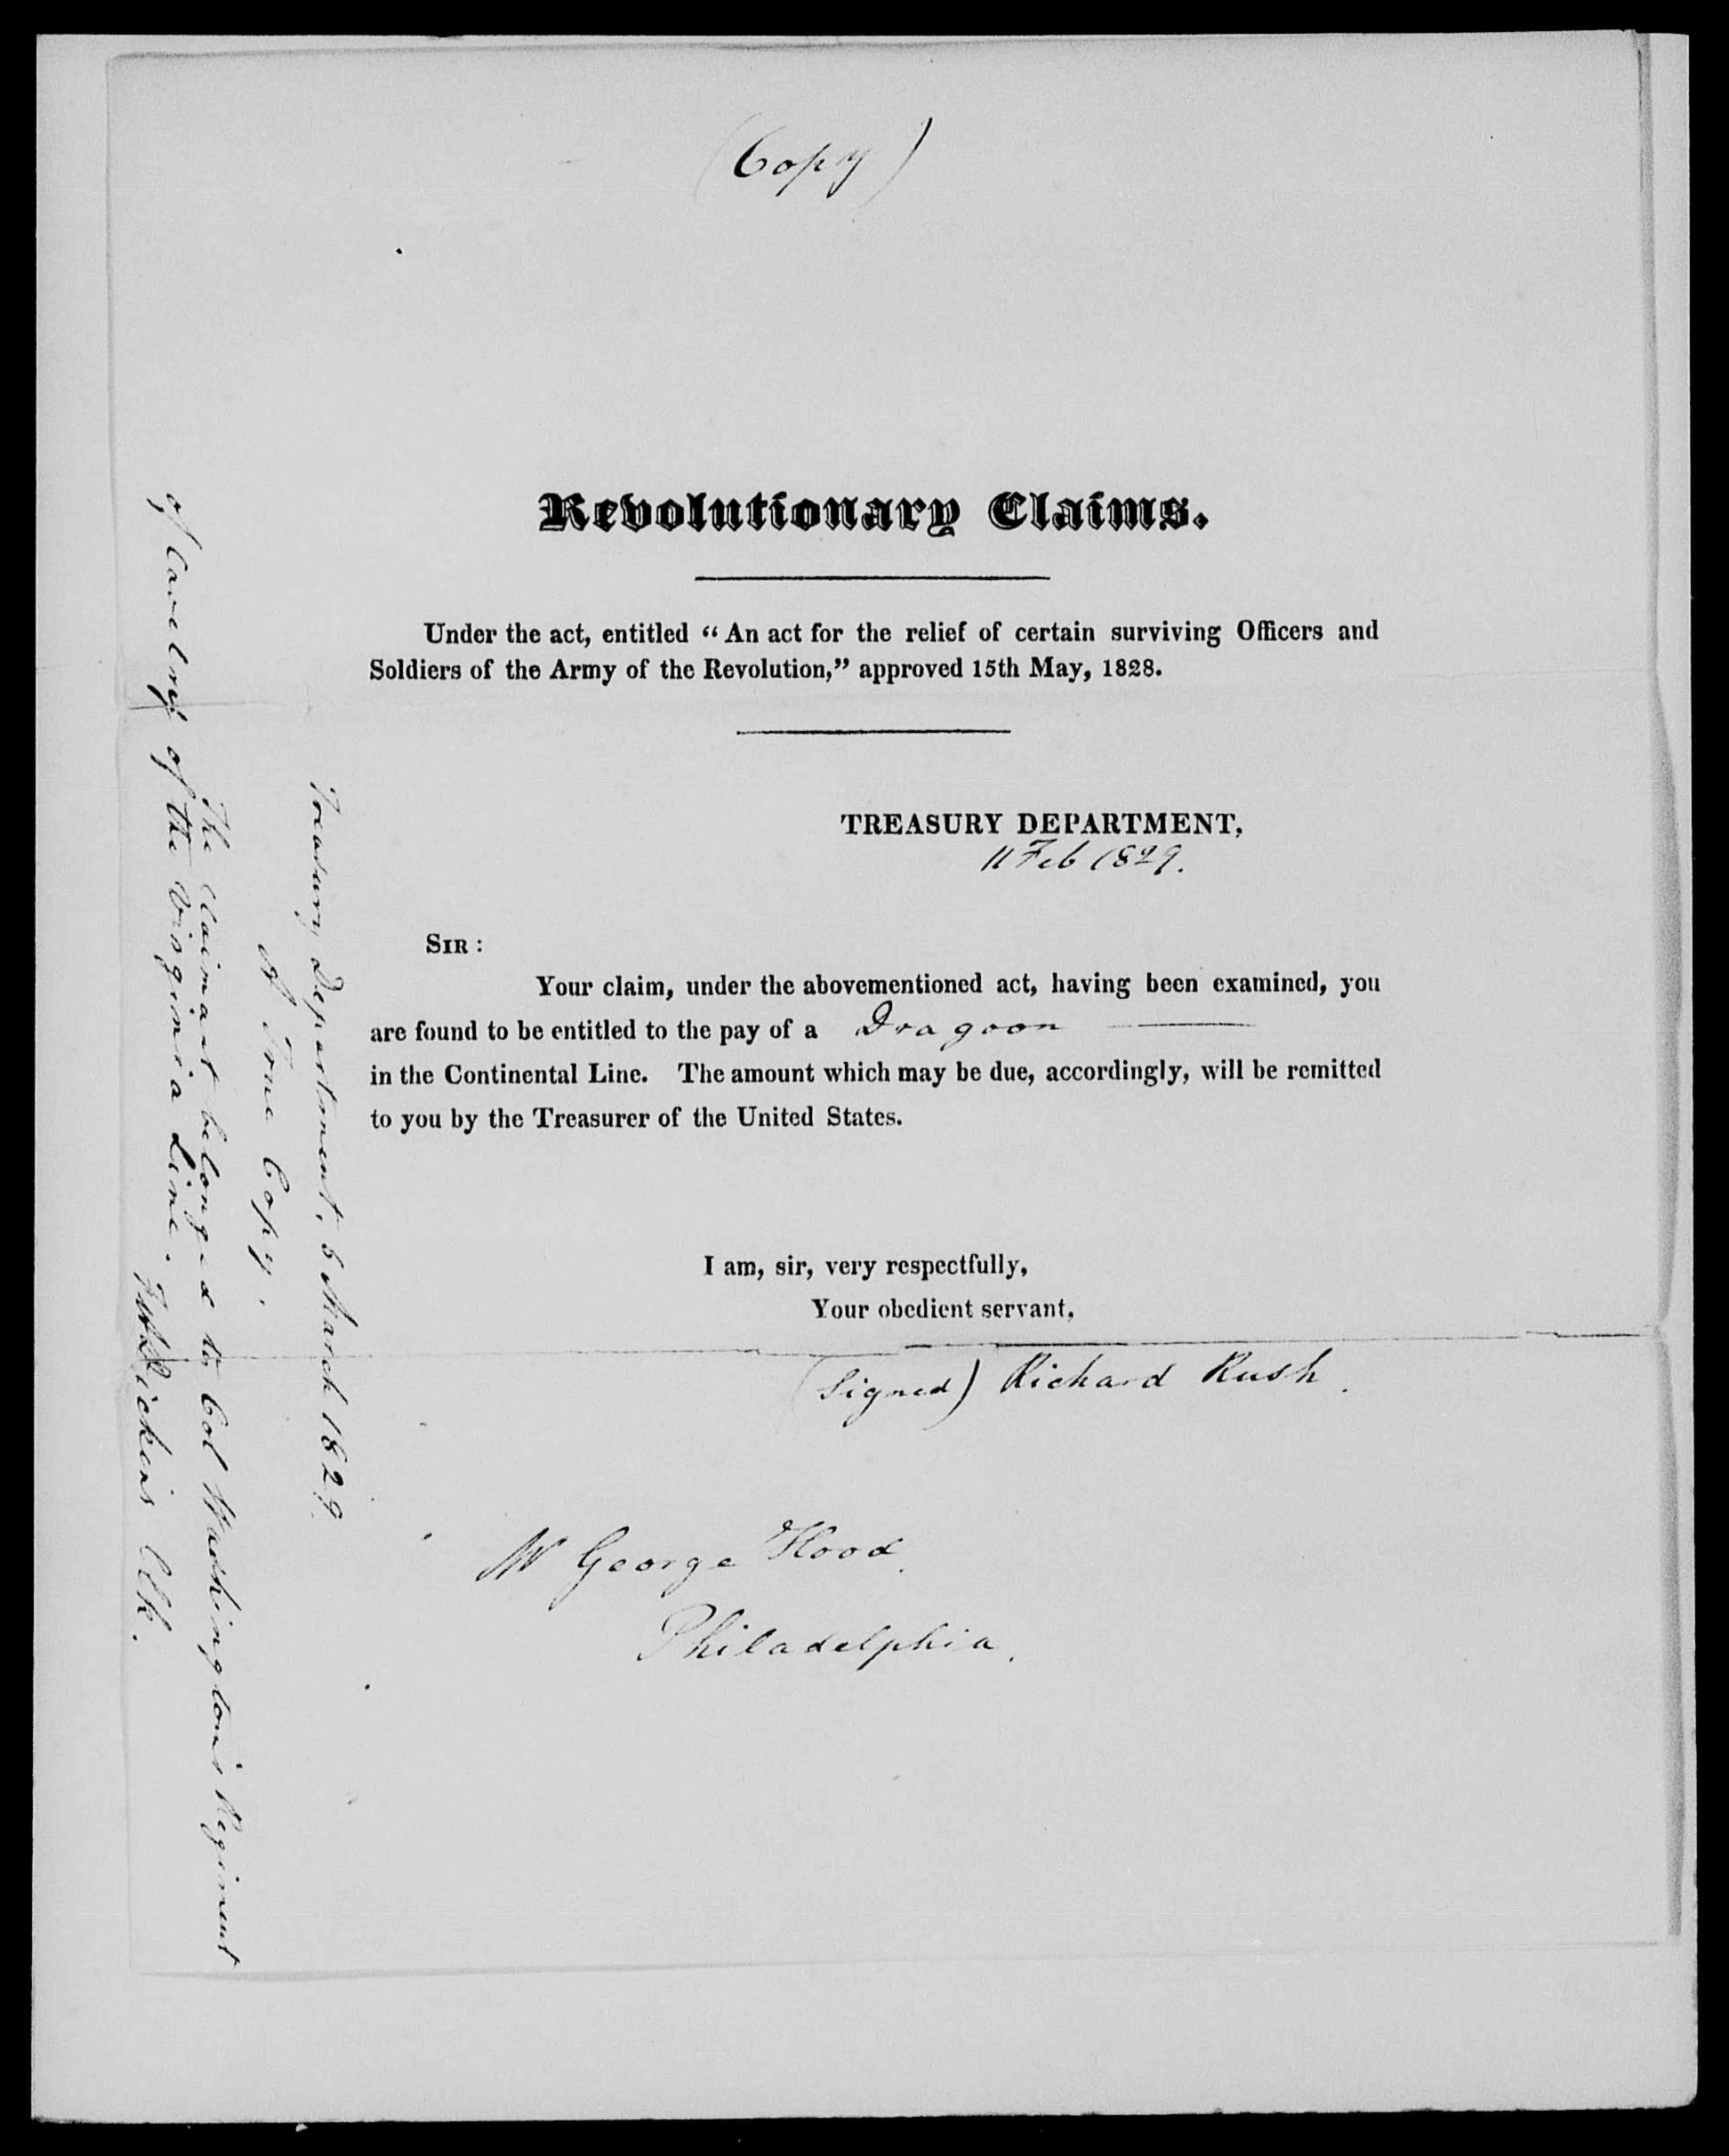Revolutionary Claims
Under the act, entitled An Act for the Relief of Certain Surviving Officers and Soldiers of the Revolution,” approved 15th May, 1828.
TREASURY DEPARTMENT
11 February 1829

Sir,
Your claim, under the abovementioned act, having been examined, you are found to be entitled to the pay of a Dragoon in the Continental Line. The amount which may be due, accordingly, will be remitted to you by the Treasurer of the United States.

I am, sir, very respectfully, 
Your obedient servant,
(Signed) Richard Rush

Mr.  George Hood
Philadelphia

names: Richard Rush, F A Dickins, George Hood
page: 26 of 51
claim: widow's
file: W 8939, George Hood, Continental Va.